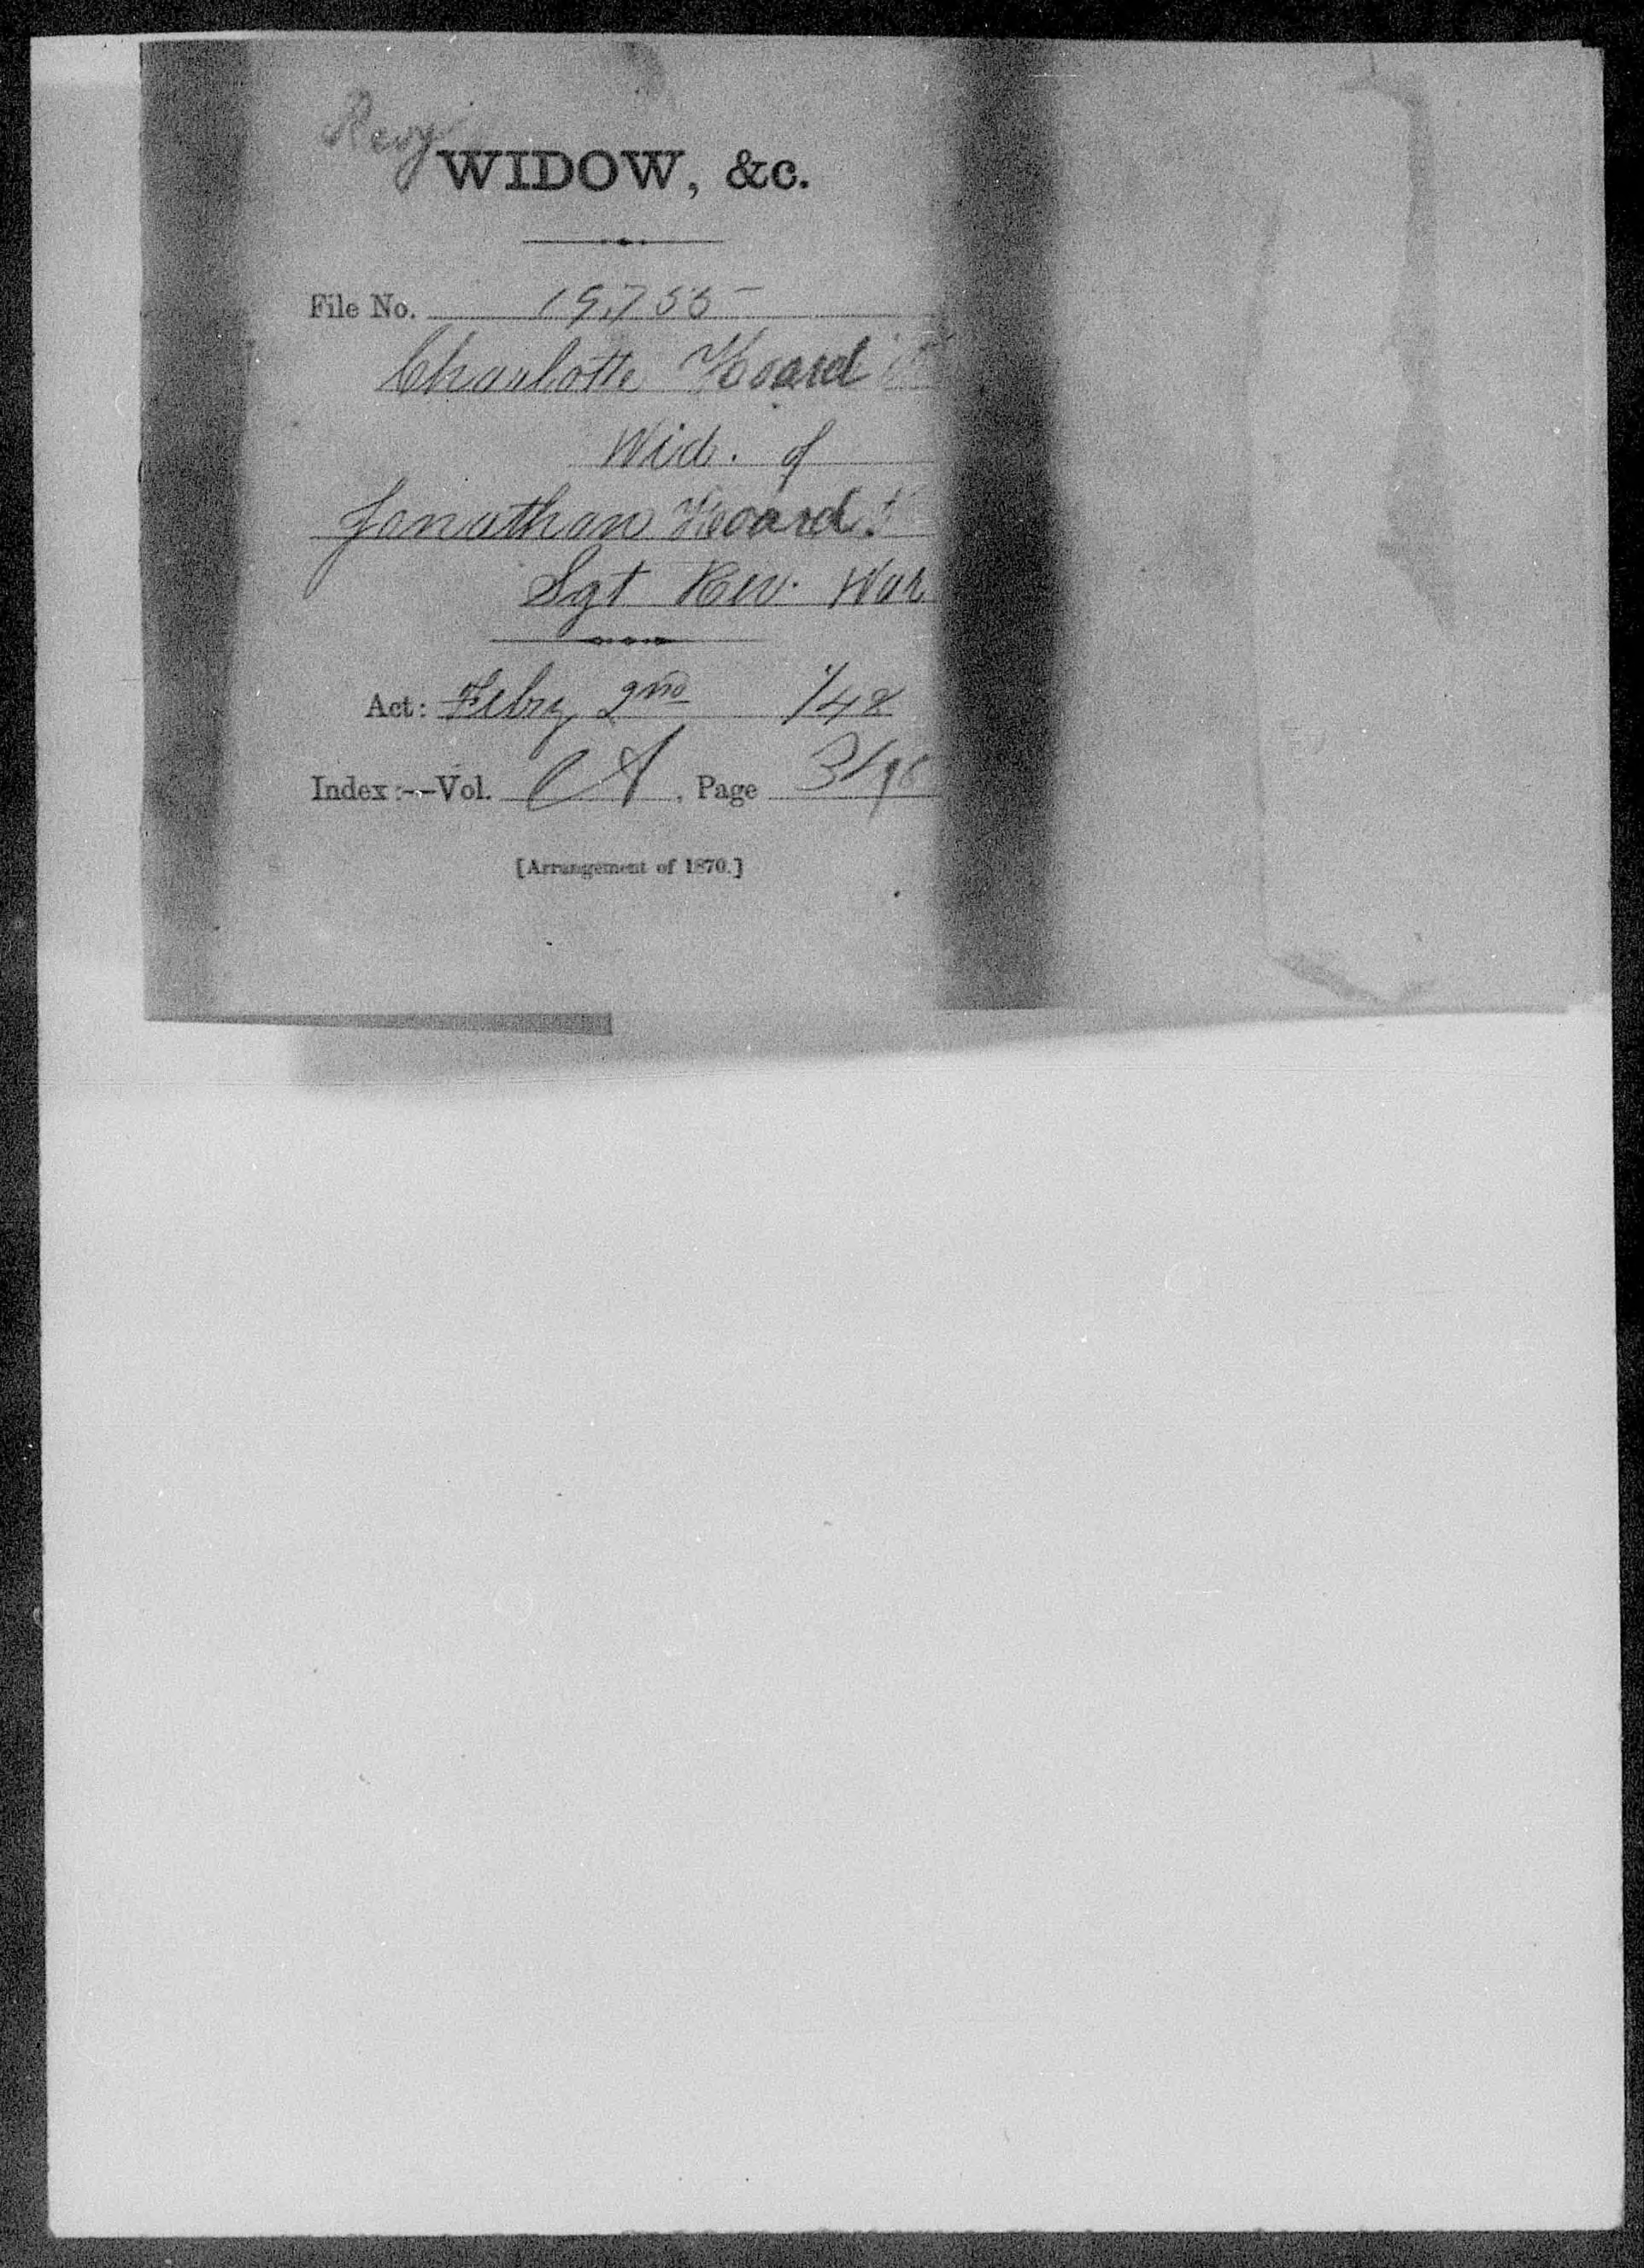Revy WIDOW, &c.
File No. 19,755
Charlotte Hoard
Wid. of
Jonathan Hoard.
Sgt Rev War
Act: Feby 2nd /'48
Index:-Vol. A, Page 34
[Arrangement of 1870.]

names: Charlotte Hoard, Jonathan Hoard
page: 18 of 52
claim: widow's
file: W 19755, Jonathan Hoard, Mass.